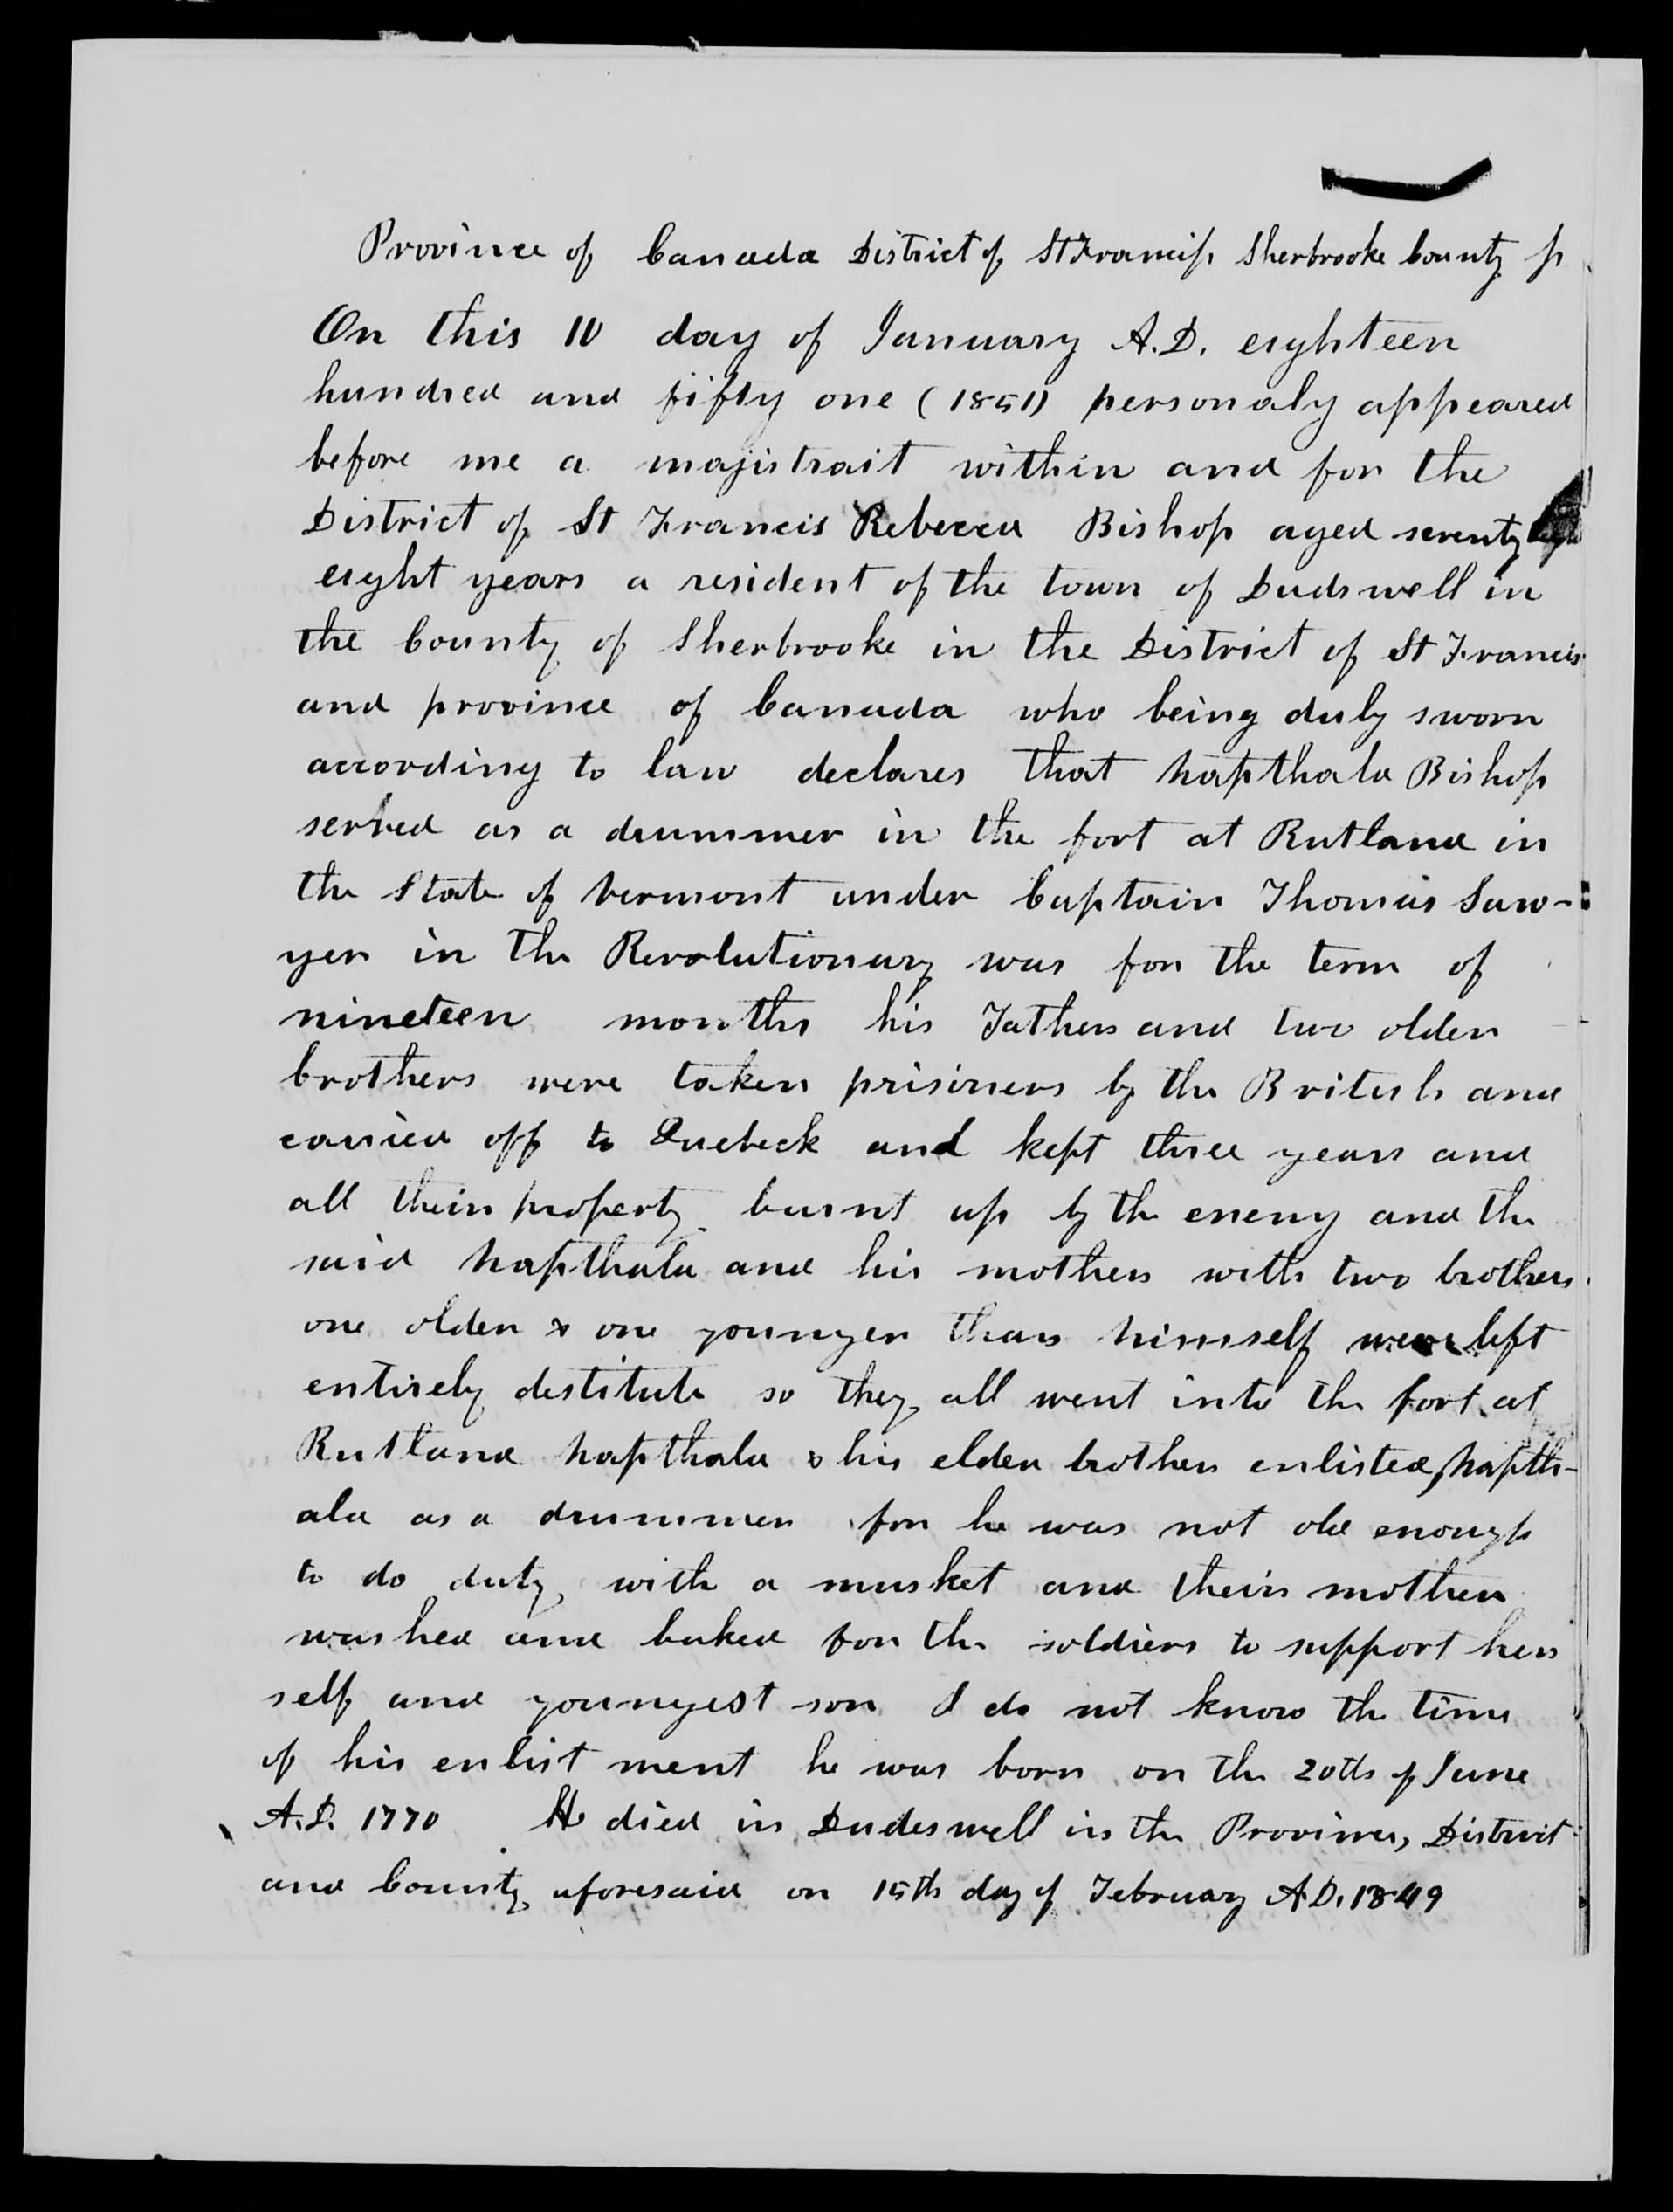Province of Canada District of St Francis Sherbrooke County ss 
On this 10 day of January A.D. eighteen hundred and fifty one (1851) personaly appeared before me a majistrait within and for the District of St Frances Rebecca Bishop aged seventy eight years a resident of the town of Dudswell in the County of Sherbrooke in the District of St Francis and province of Canada who being duly sworn according to law declares that Napthala Bishop served as a drummer in the fort at Rutland in the State of Vermont under Captain Thomas Sawyer in the Revolutionary war for the term of nineteen months his Fathers and two older brothers were taken prisoners by the British and carried off to Quebeck and kept three years and all their property burnt up by the enemy and the said Napthala and his mother with two brothers one older & one younger than himself were left entirely destitute so they all went into the fort at Rutland Napthala & his elder brother enlisted, Napthala as a drummer for he was not old enough to do duty with a musket and their mother washed and baked for the soldiers to support herself and youngest son I do not know the time of his enlistment he was born on the 20th of June A.D. 1779 He died in Dudeswell in the Province, District and County aforesaid on the 19th day of February AD. 1849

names: Francis Rebecca Bishop, Napthala, Napthala, Napthala, Thomas Sawyer, Napthala Bishop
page: 19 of 27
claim: rejected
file: R. 865, Napthala Bishop, Vt.